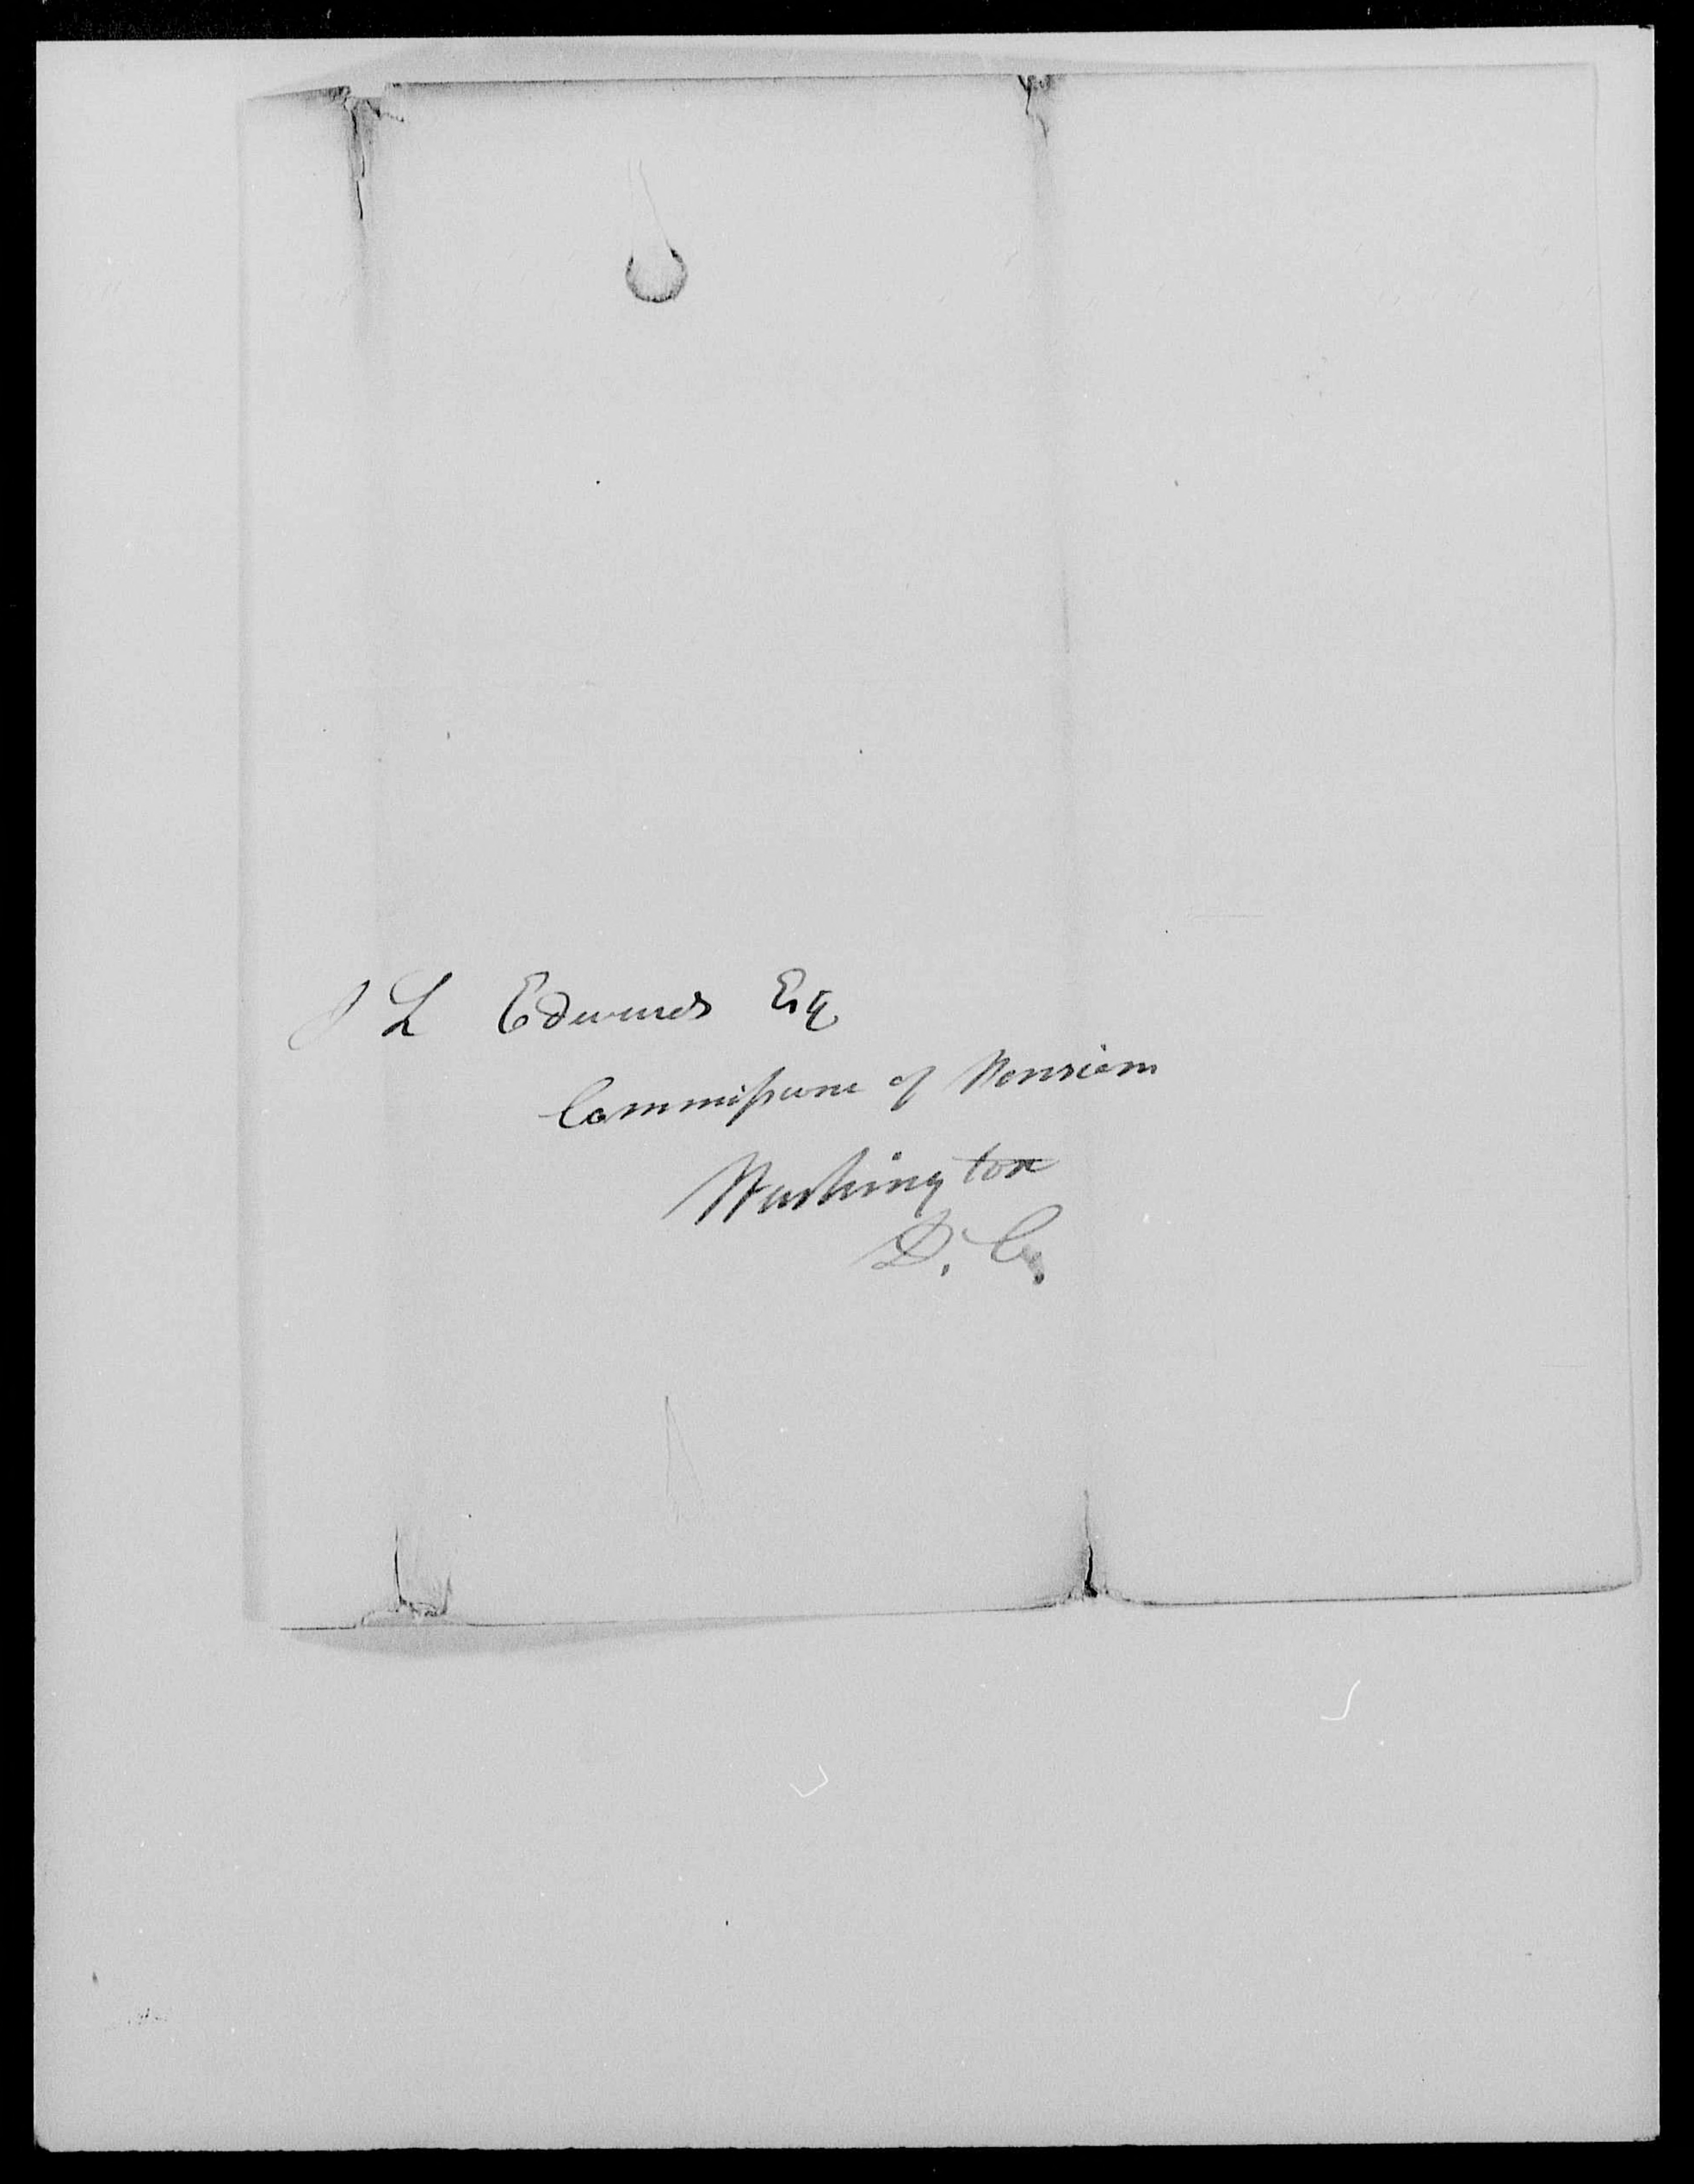J L Edwards Esq
Commissioner of  Pensions
Washington D.C.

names: J L Edwards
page: 14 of 17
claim: survivor's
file: S. 21,645, Caleb Blanchard, R. I.